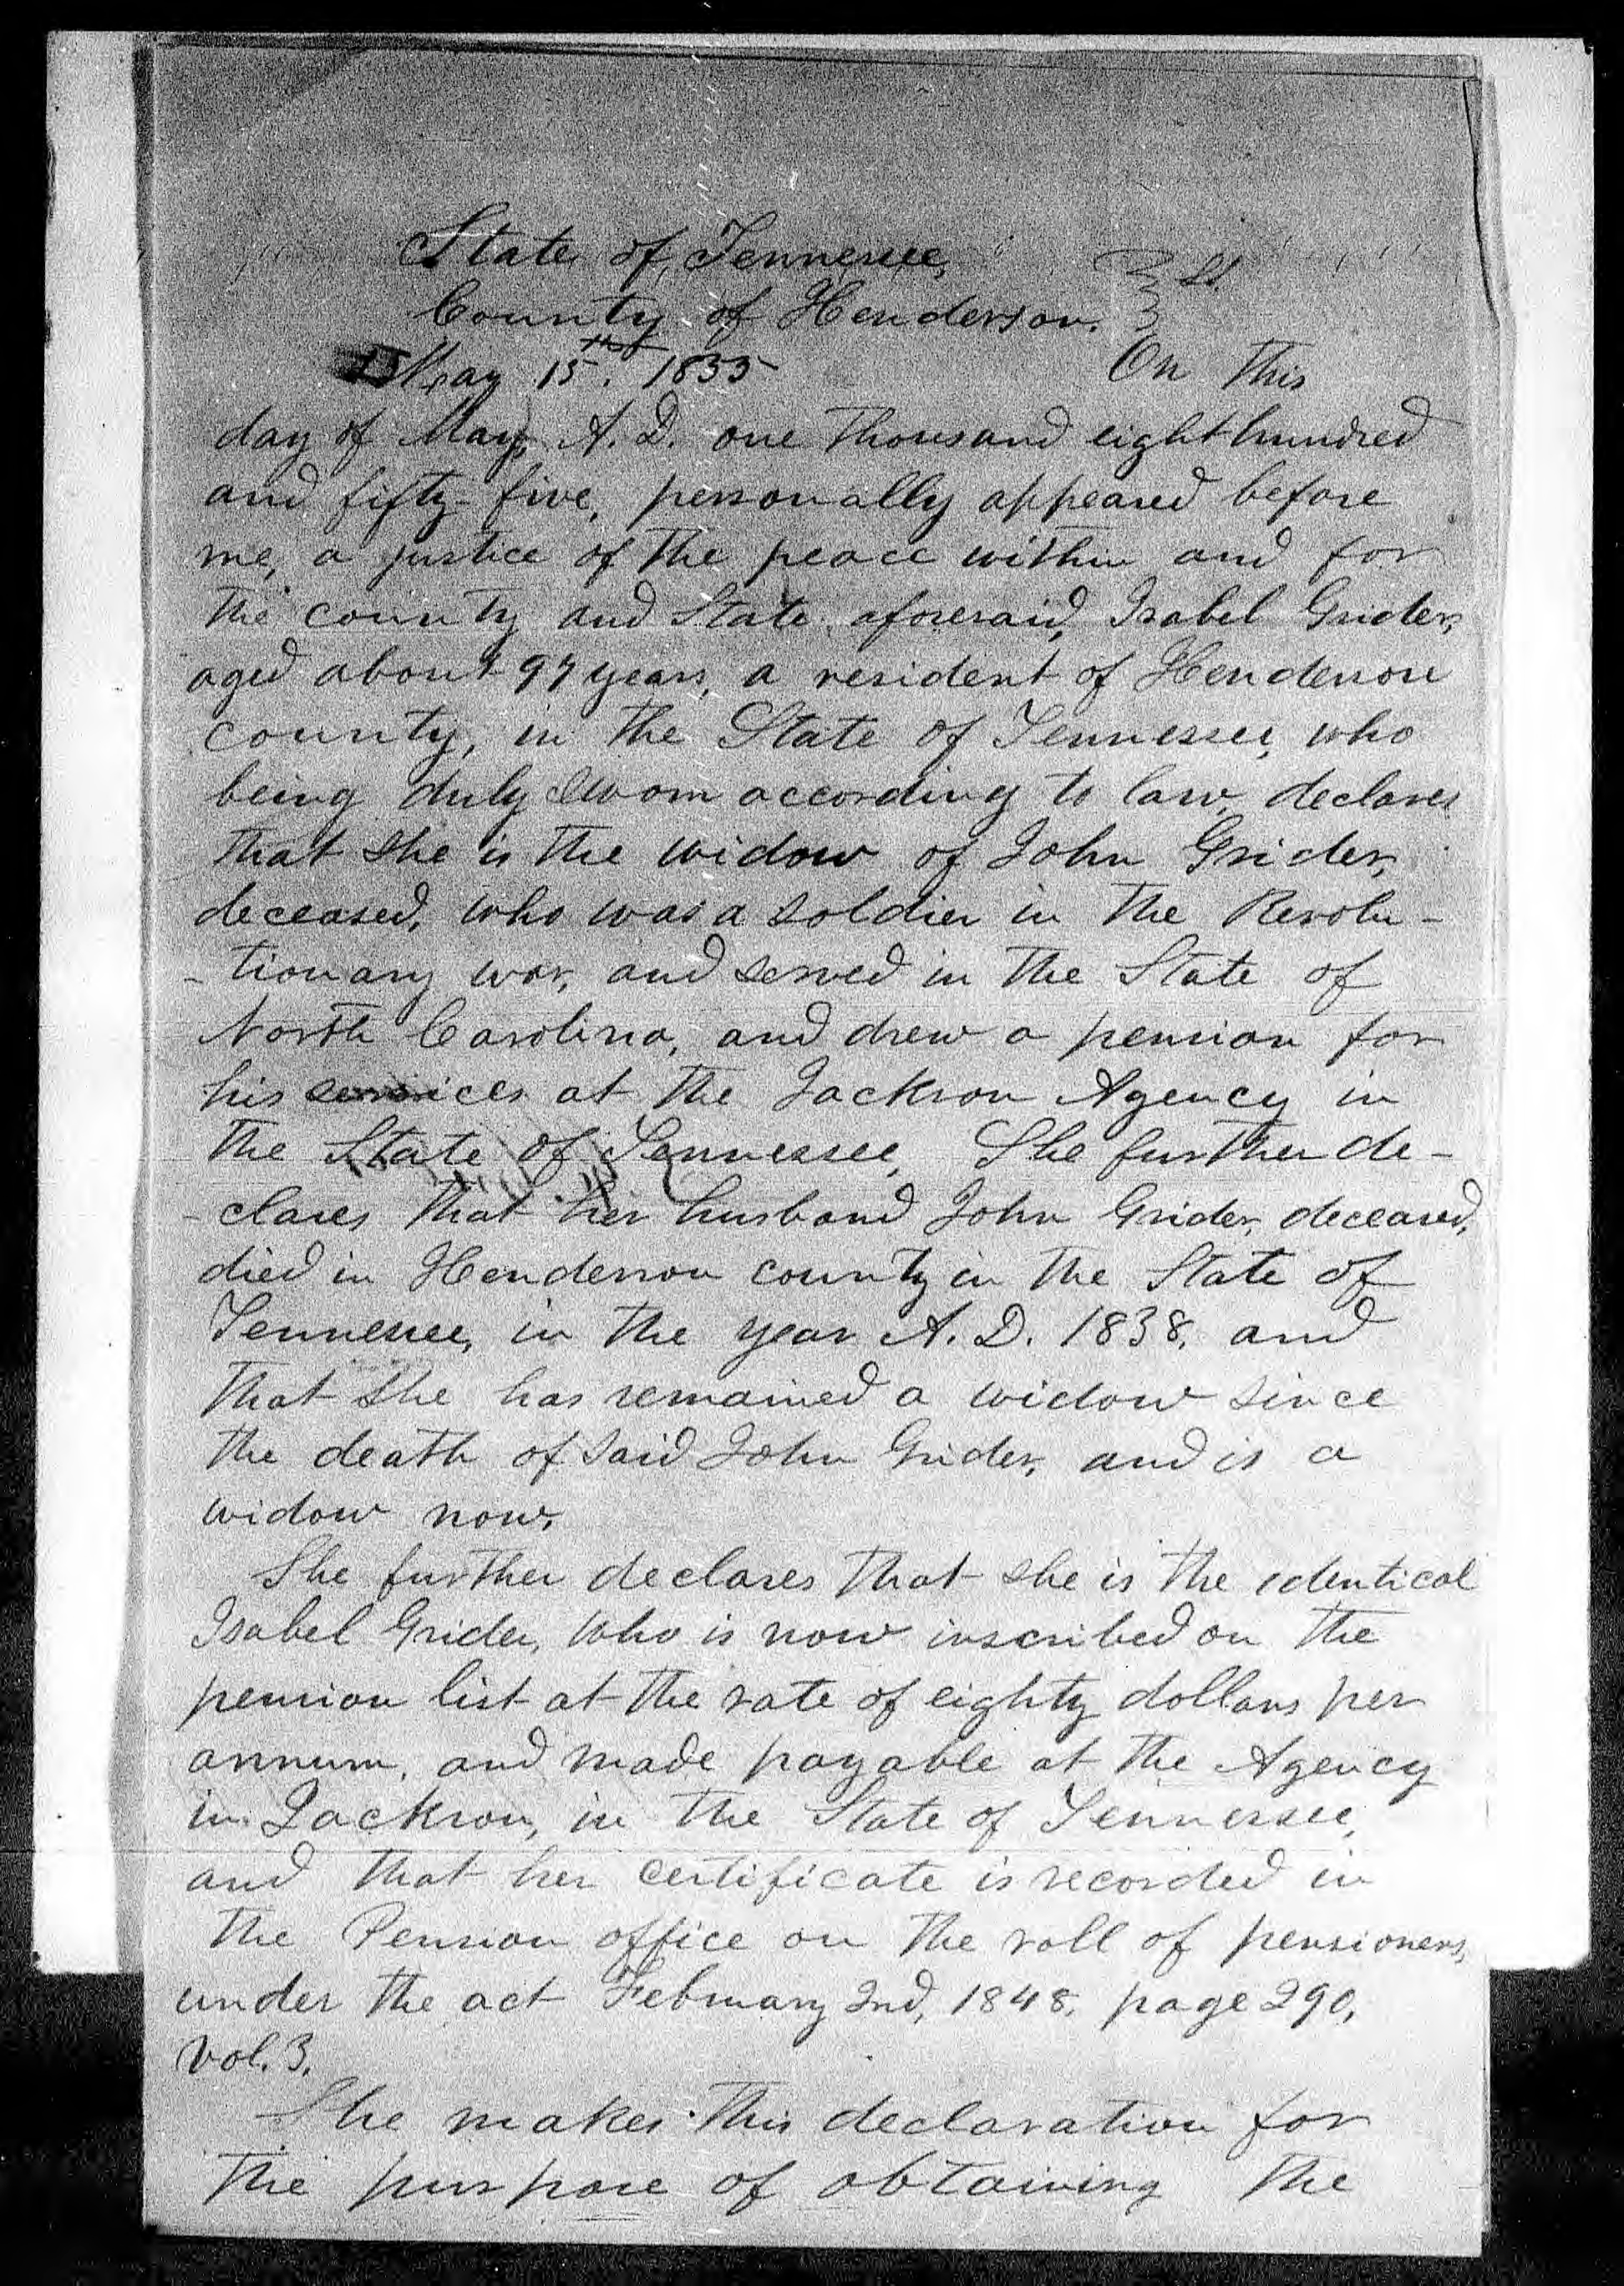State of Tennessee
County of Henderson
May 15th 1853

On this day, A.D. one thousand eight hundred and fifty-five, personally appeared before me, a Justice of the Peace within and for the county and State aforesaid, Isabel Grider, aged about 97 years, a resident of Henderson County, in the State of Tennessee, who being duly sworn according to law, declares that she is the widow of John Grider, deceased, who was a soldier in the Revolutionary war, and served in the State of North Carolina, and drew a pension for his service at the Jackson Agency in the State of  Tennessee.  She further declares that her husband John Grider, deceased, died in Henderson County in the State of Tennessee in the year A.D. 1838, and that she has remained a widow since the death of said John Grider, and is a widow now.

She further declares that she is the identical Isabel Grider, who is now inscribed on the pension list at the rate of eighty dollars per annum, and made payable at the Agency in Jackson, in the State of Tennessee, and that her certificate is recorded in the Pension office on the roll of pensioners, under the act February 2nd, 1848, page 290,  vol. 3.

She makes this declaration for the purpose of obtaining the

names: John Grider, Isabel Grider, John Grider, John Grider, Isabel Grider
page: 20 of 91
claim: widow's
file: W 358, John Grider, N.C.